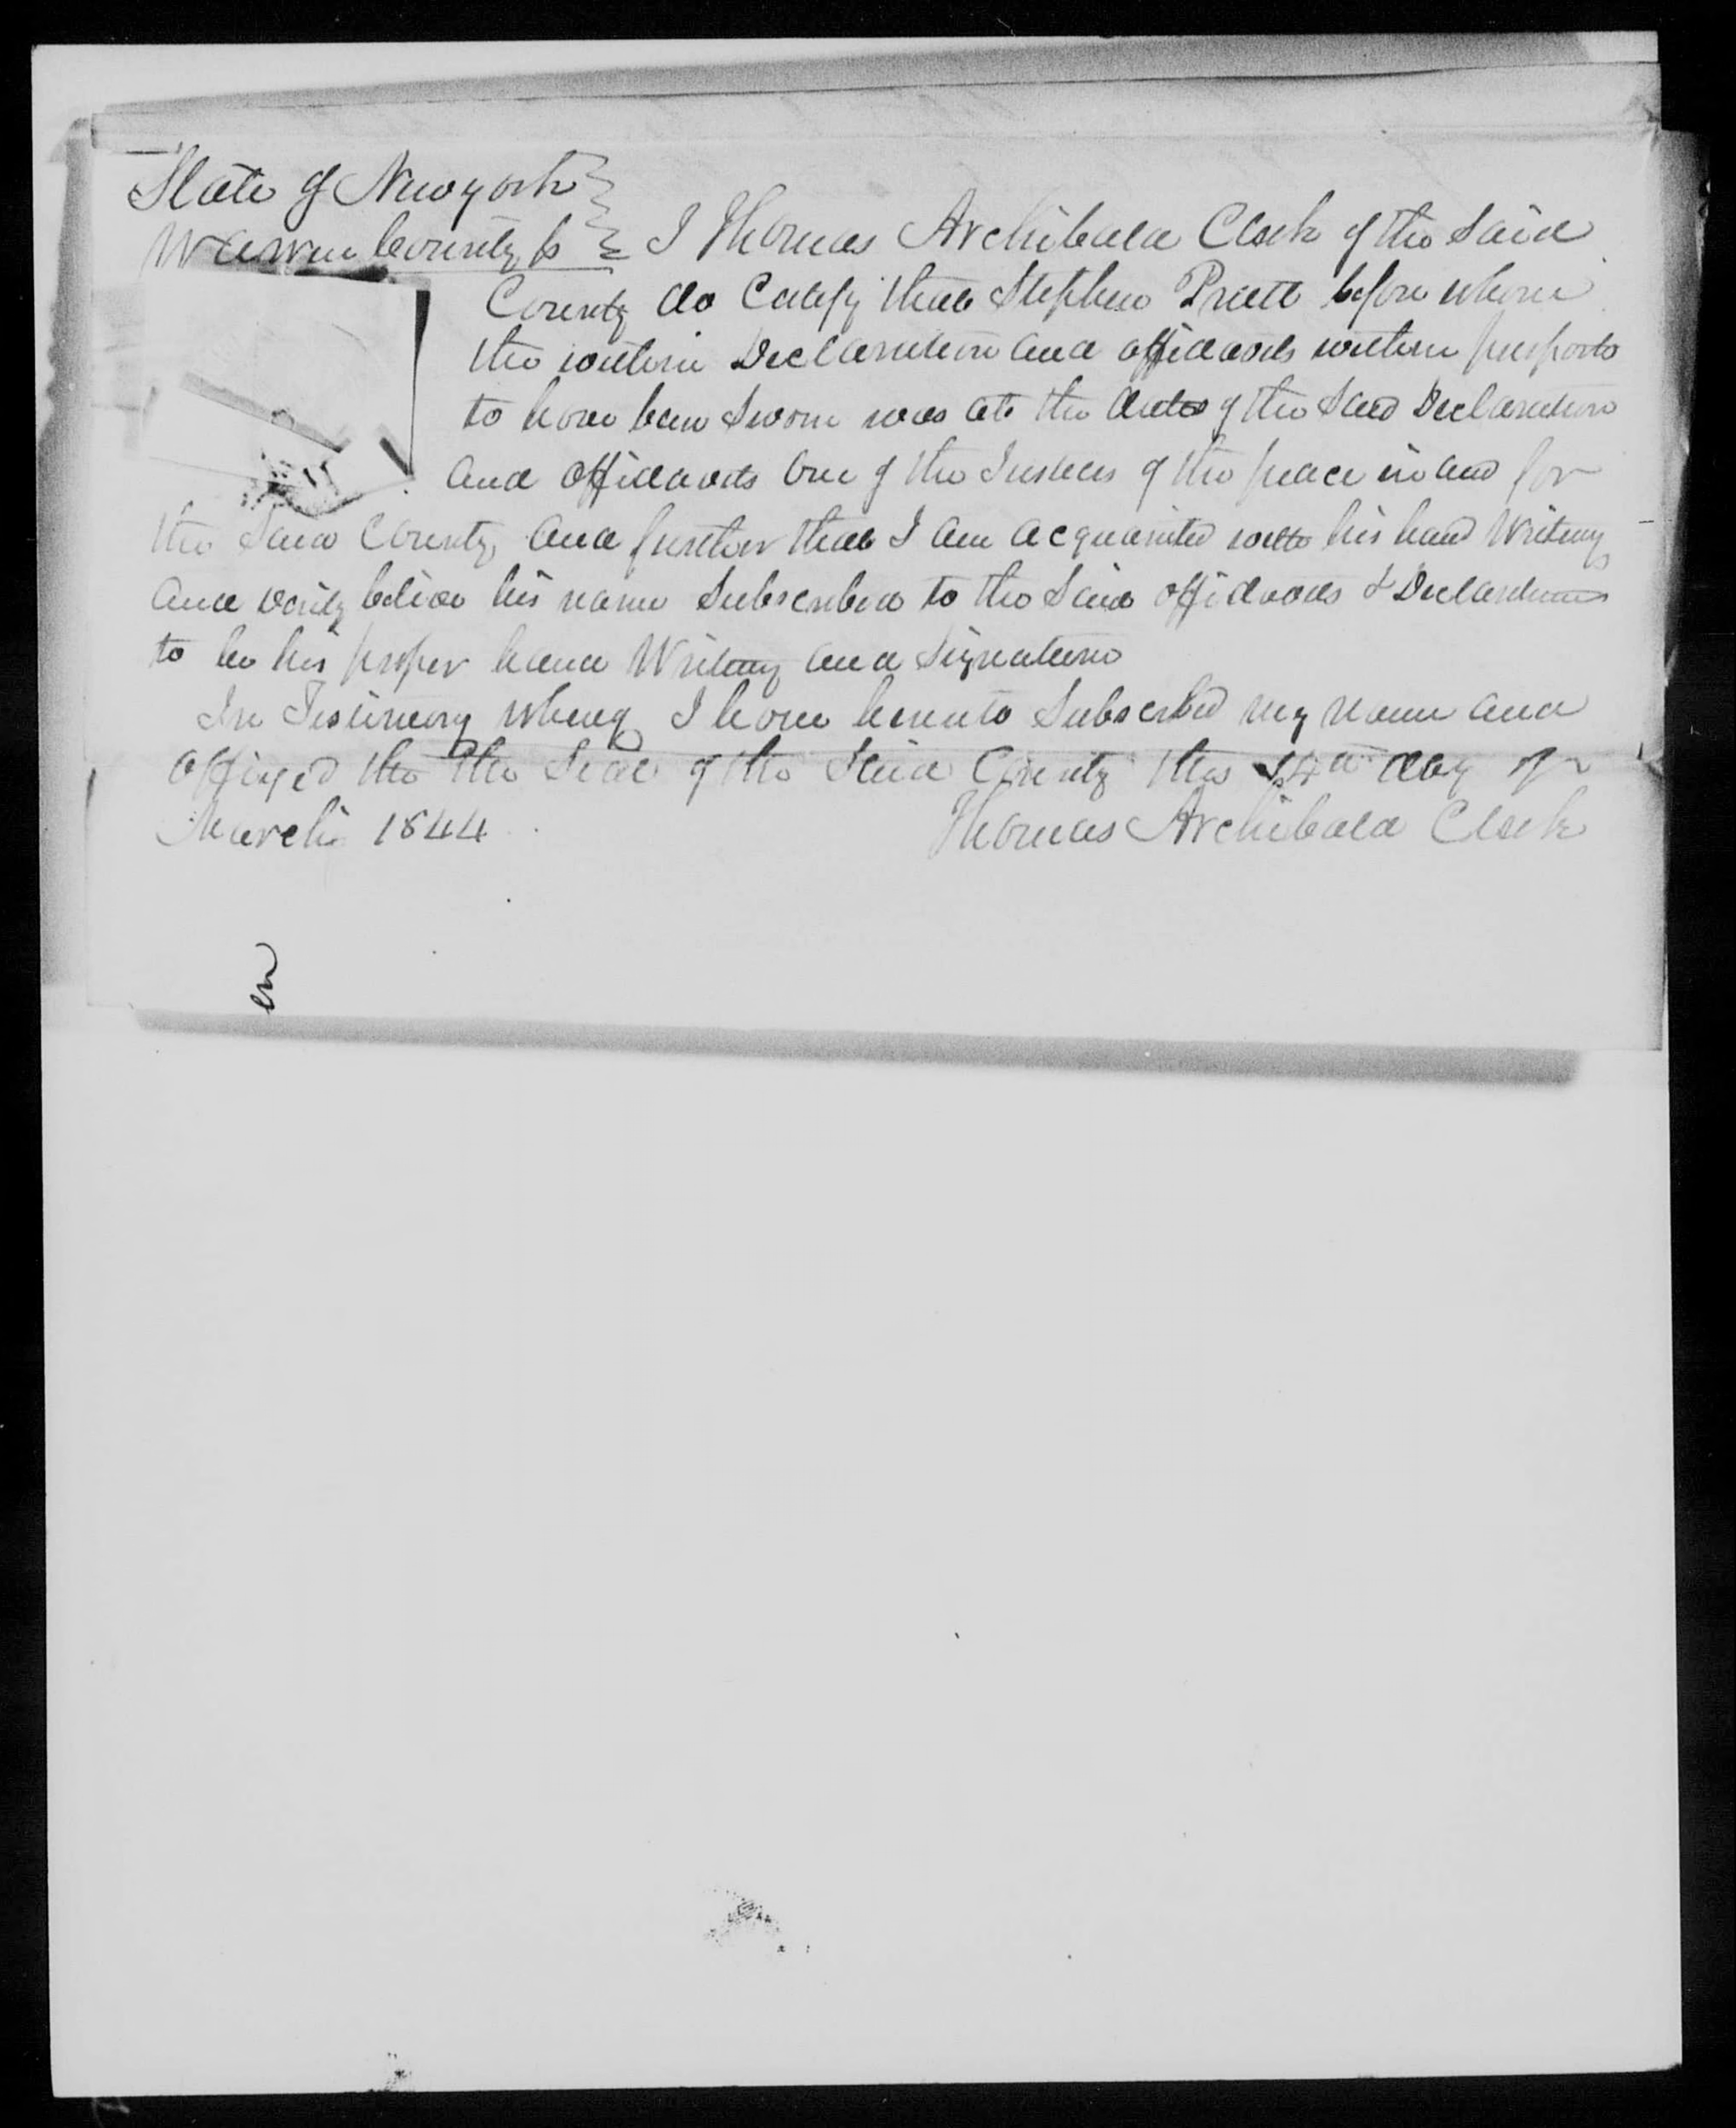State of New York
Warren County 
I Thomas Archibald Clerk of the said
County do certify that Stephen Priest before whom
the within Declaration and affidavits within purports
to have been sworn was at the date of the said Declaration and
affidavits one of the Justices of the peace in and for
the said County and further that I am acquainted with his hand writing
and verily believe his name subscribed to the said affidavits & Declaration
to be his proper hand Writing and signature
In Testimony whereof I have hereunto subscribed my name and
affixed the the seal of the said County this 14th day of
March 1844
Thomas Archibald Clerk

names: Thomas Archibald, Thomas Archibald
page: 16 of 39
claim: widow's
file: W. 20624, David Anderson, Mass